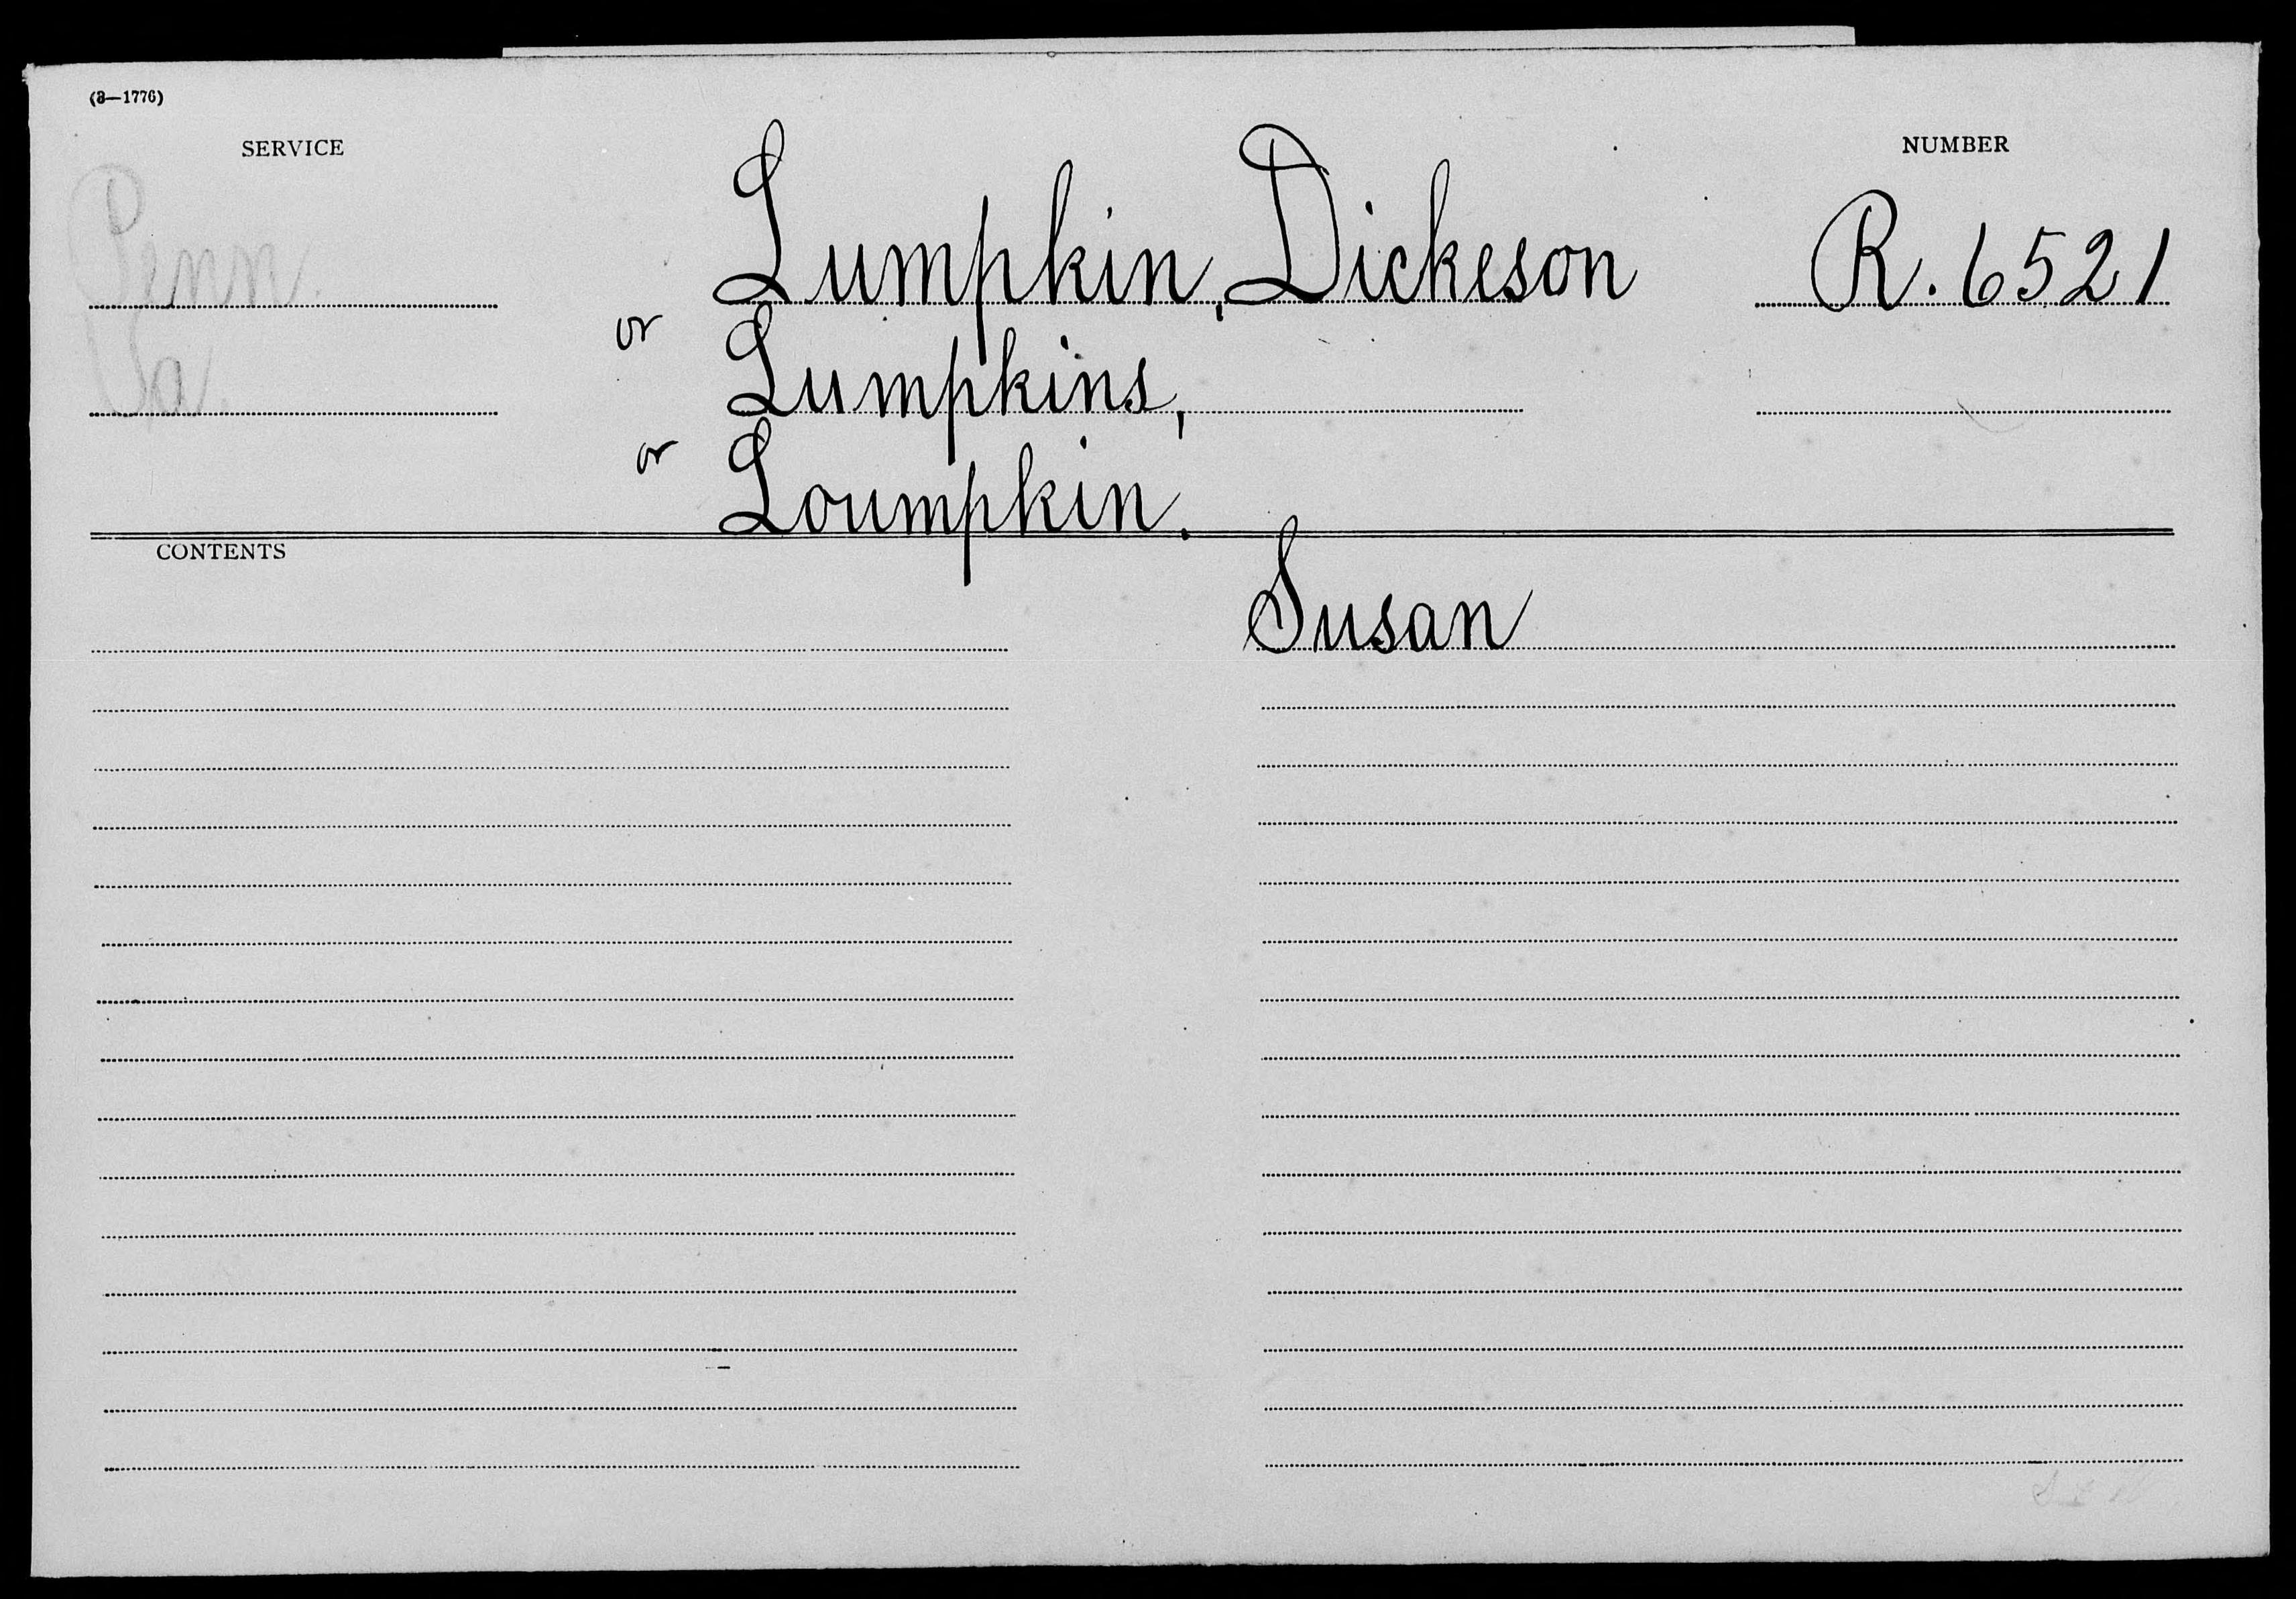(Printed document with handwritten responses)

(3-1776)

SERVICE | NUMBER
Penn. | Lumpkin, Dickeson | R.6521
Va. | or Lumpkins, 
or Loumpkin. 
CONTENTS | Susan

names: Dickeson Lumpkins; Dickeson Loumpkin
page: 1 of 37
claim: rejected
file: R. 6521, for Dickeson Lumpkin, Pennsylvania